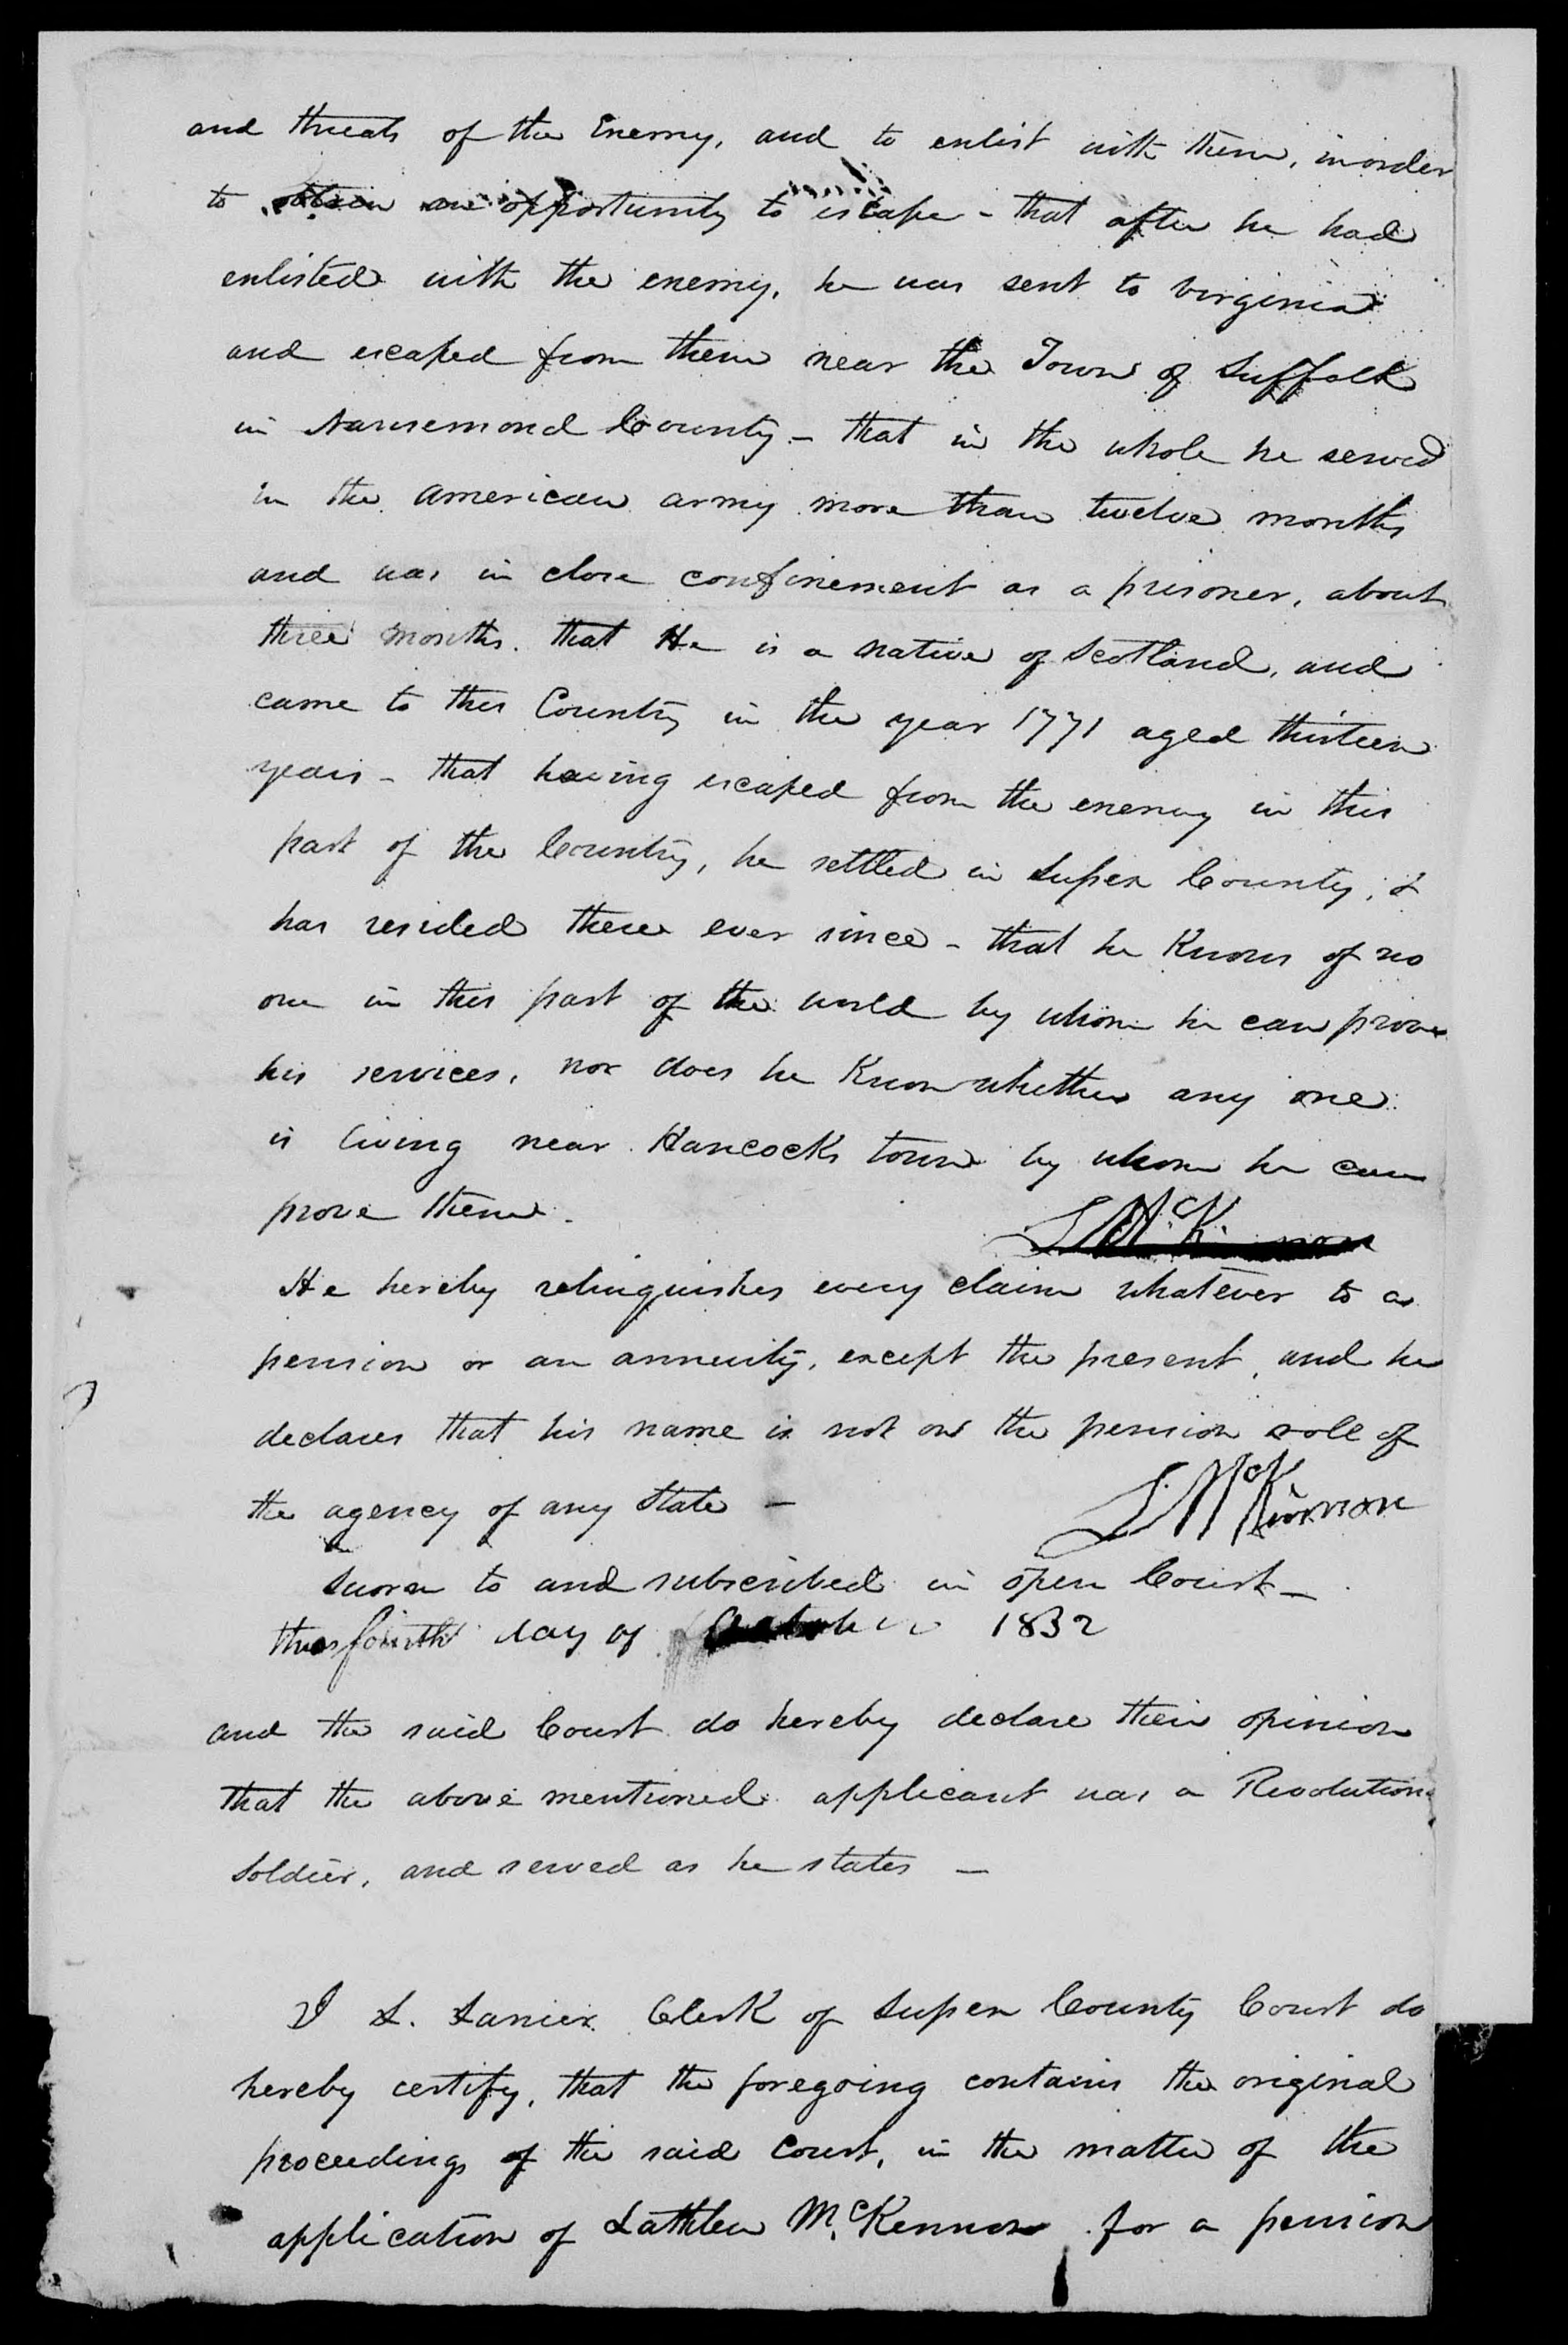and threats of the enemy, and to enlist with them in order to obtain an opportunity to escape - that after he had enlisted with the enemy, he was  sent to Virginia and escaped from them near the Town of Suffolk in Nansemond County - that in the whole he served in the (A)merican army more than twelve months and was in close confinement as a prisoner, about three months, that he is a native of Scotland, and came to this County in the year 1771 aged thirteen years - that having escaped from the enemy in this part of the County, he settled in Super County, and has resided there ever since - that he knows of no one in this part of the world by whom he can prove his services, nor does he know whether any one is living near Hancock Town by [three indiscernible words] prove [indiscernible].
L McKinnon [crossed out]
He hereby relinquishes every claim whatever to a pension or an annuity except the present, and he declares that his name is not on the pension roll of the agency of any State -       
L McKinnon
Sworn to and subscribed in open Court - the fourth day of October [smudged] 1832[,] and the said Court do hereby declare their opinion that the above mentioned applicant was a Revolutionary Soldier, and served as he states -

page: 4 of 13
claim: rejected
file: R. 6753, for Lathlin Mc Kinnon, Pennsylvania